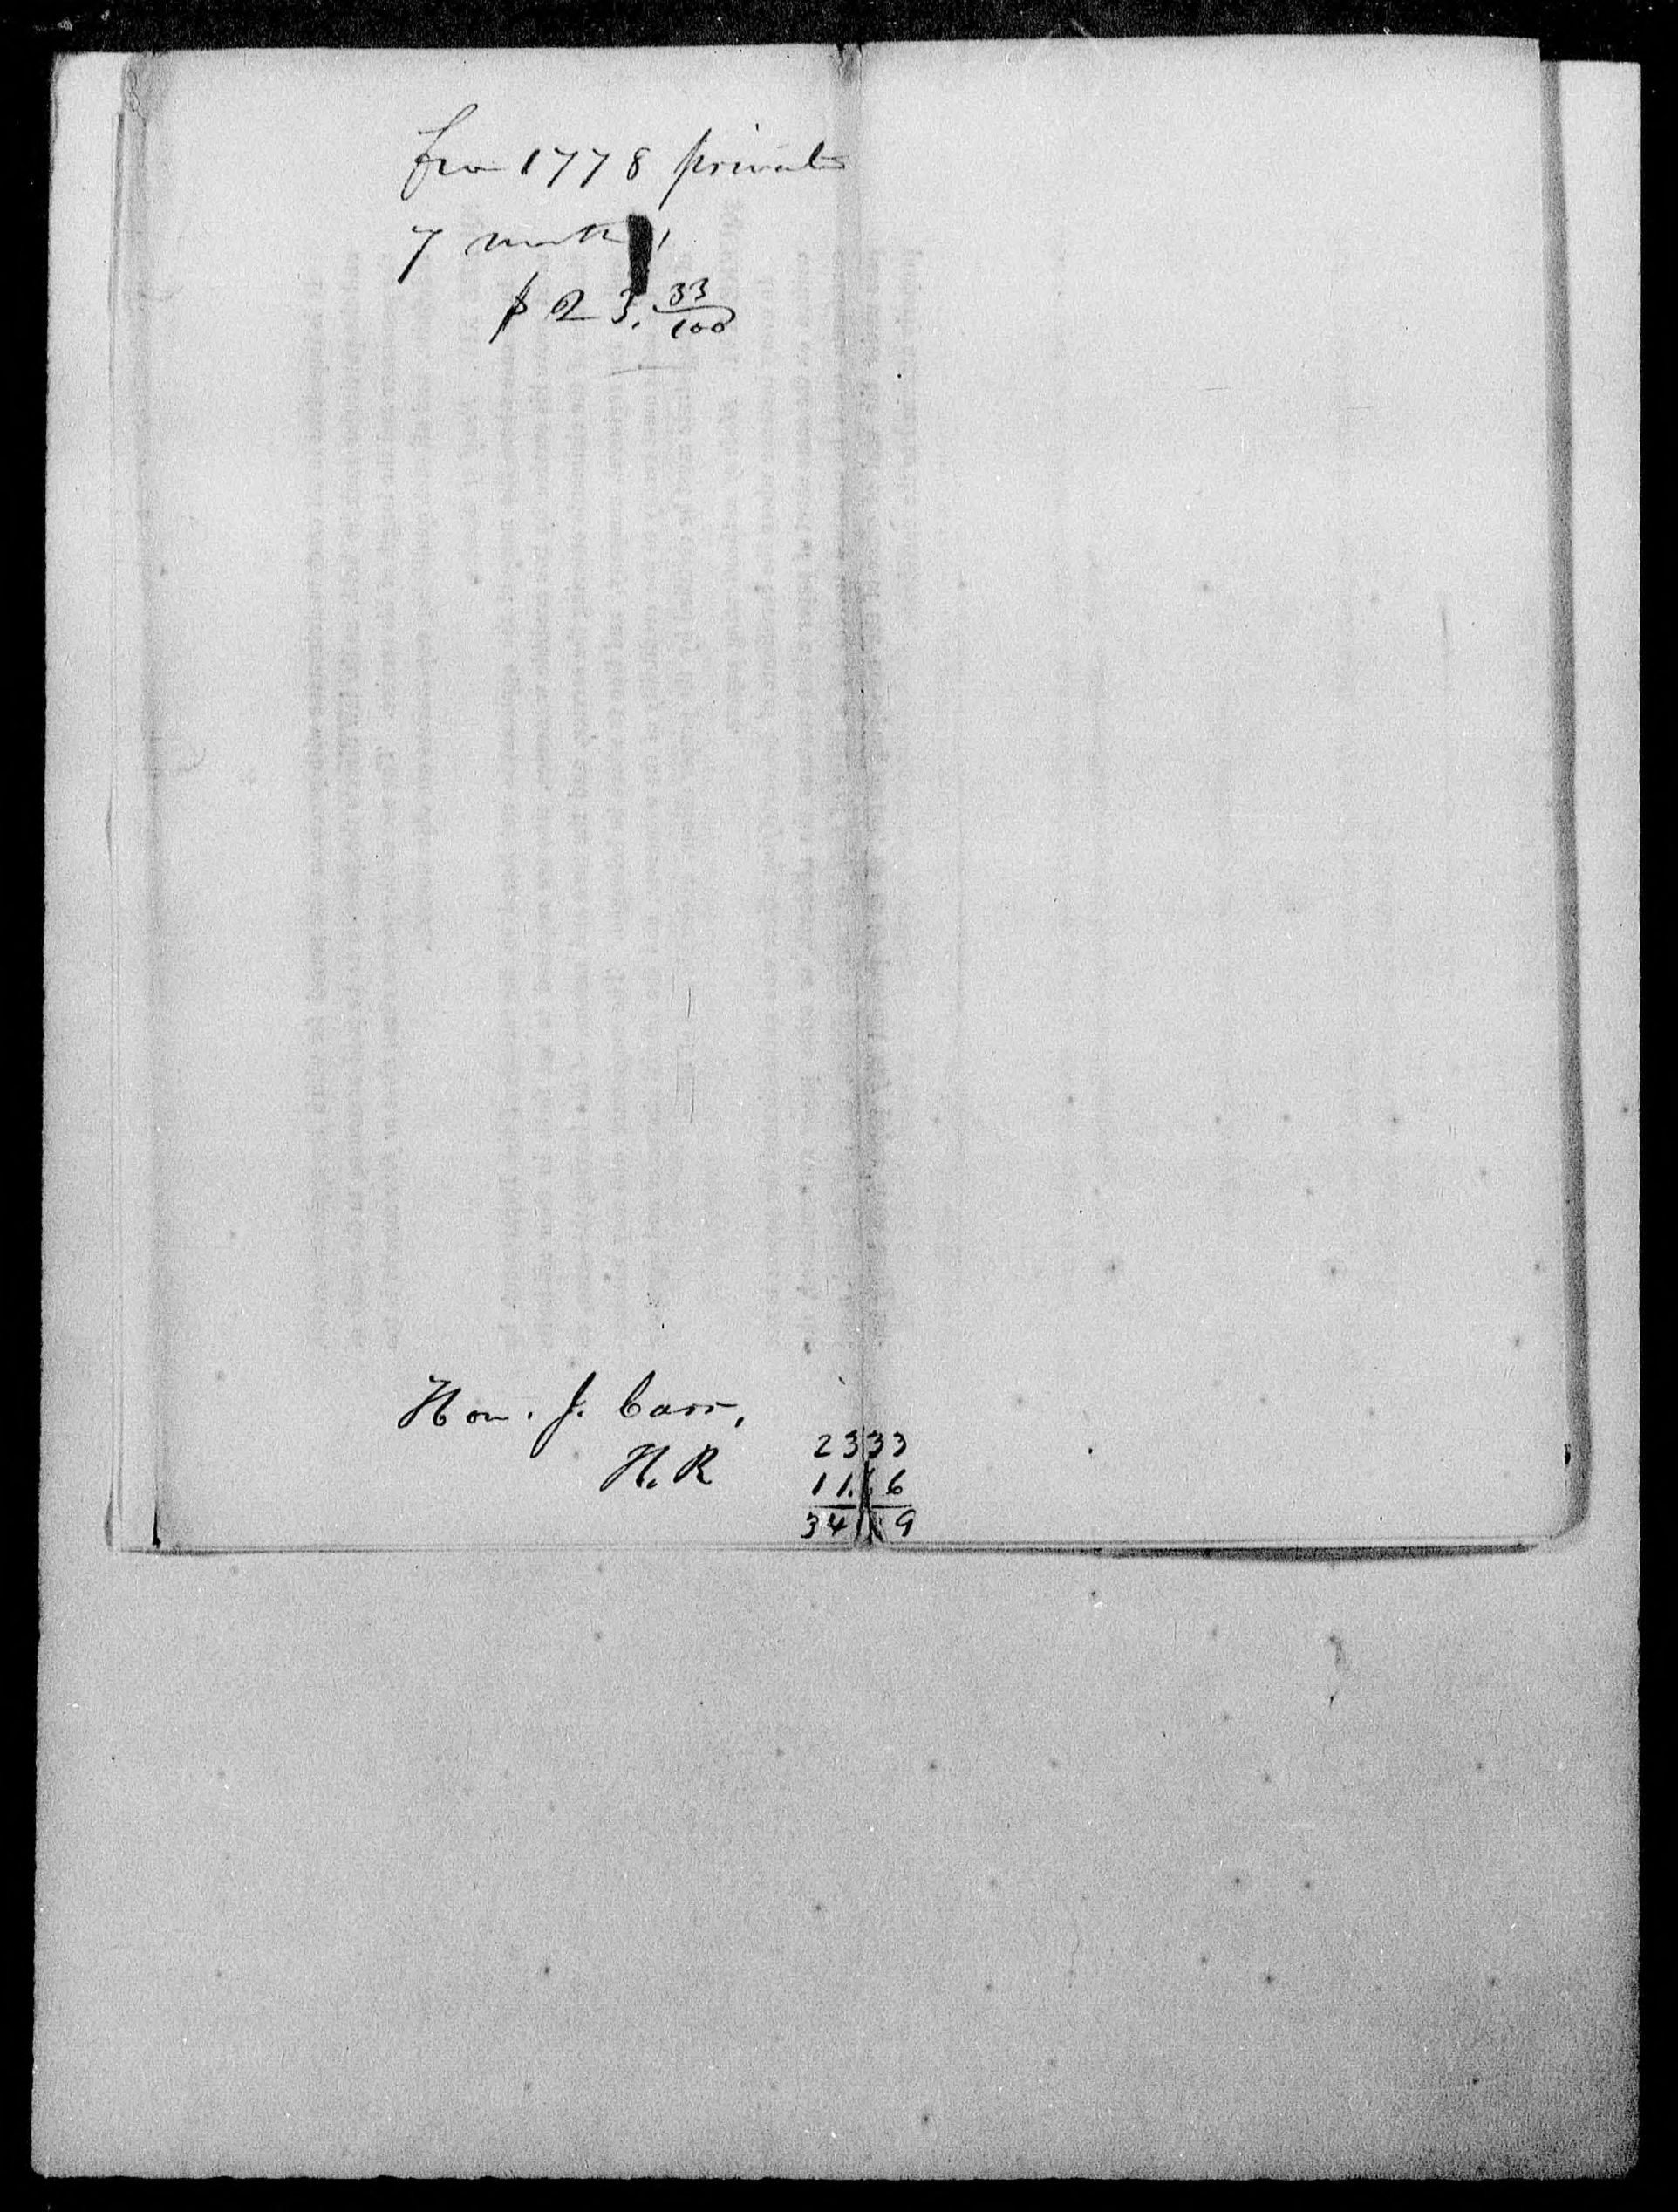for 1778 private
[illegible]
$23.33/100

Hon. J. Carr
H. R. [House of Representatives] 23.33
                                                    11.66
                                                   _______                           
                                                    34.99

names: J Carr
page: 14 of 26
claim: survivor's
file: S. 16059, John Brenton, Penn. Va.